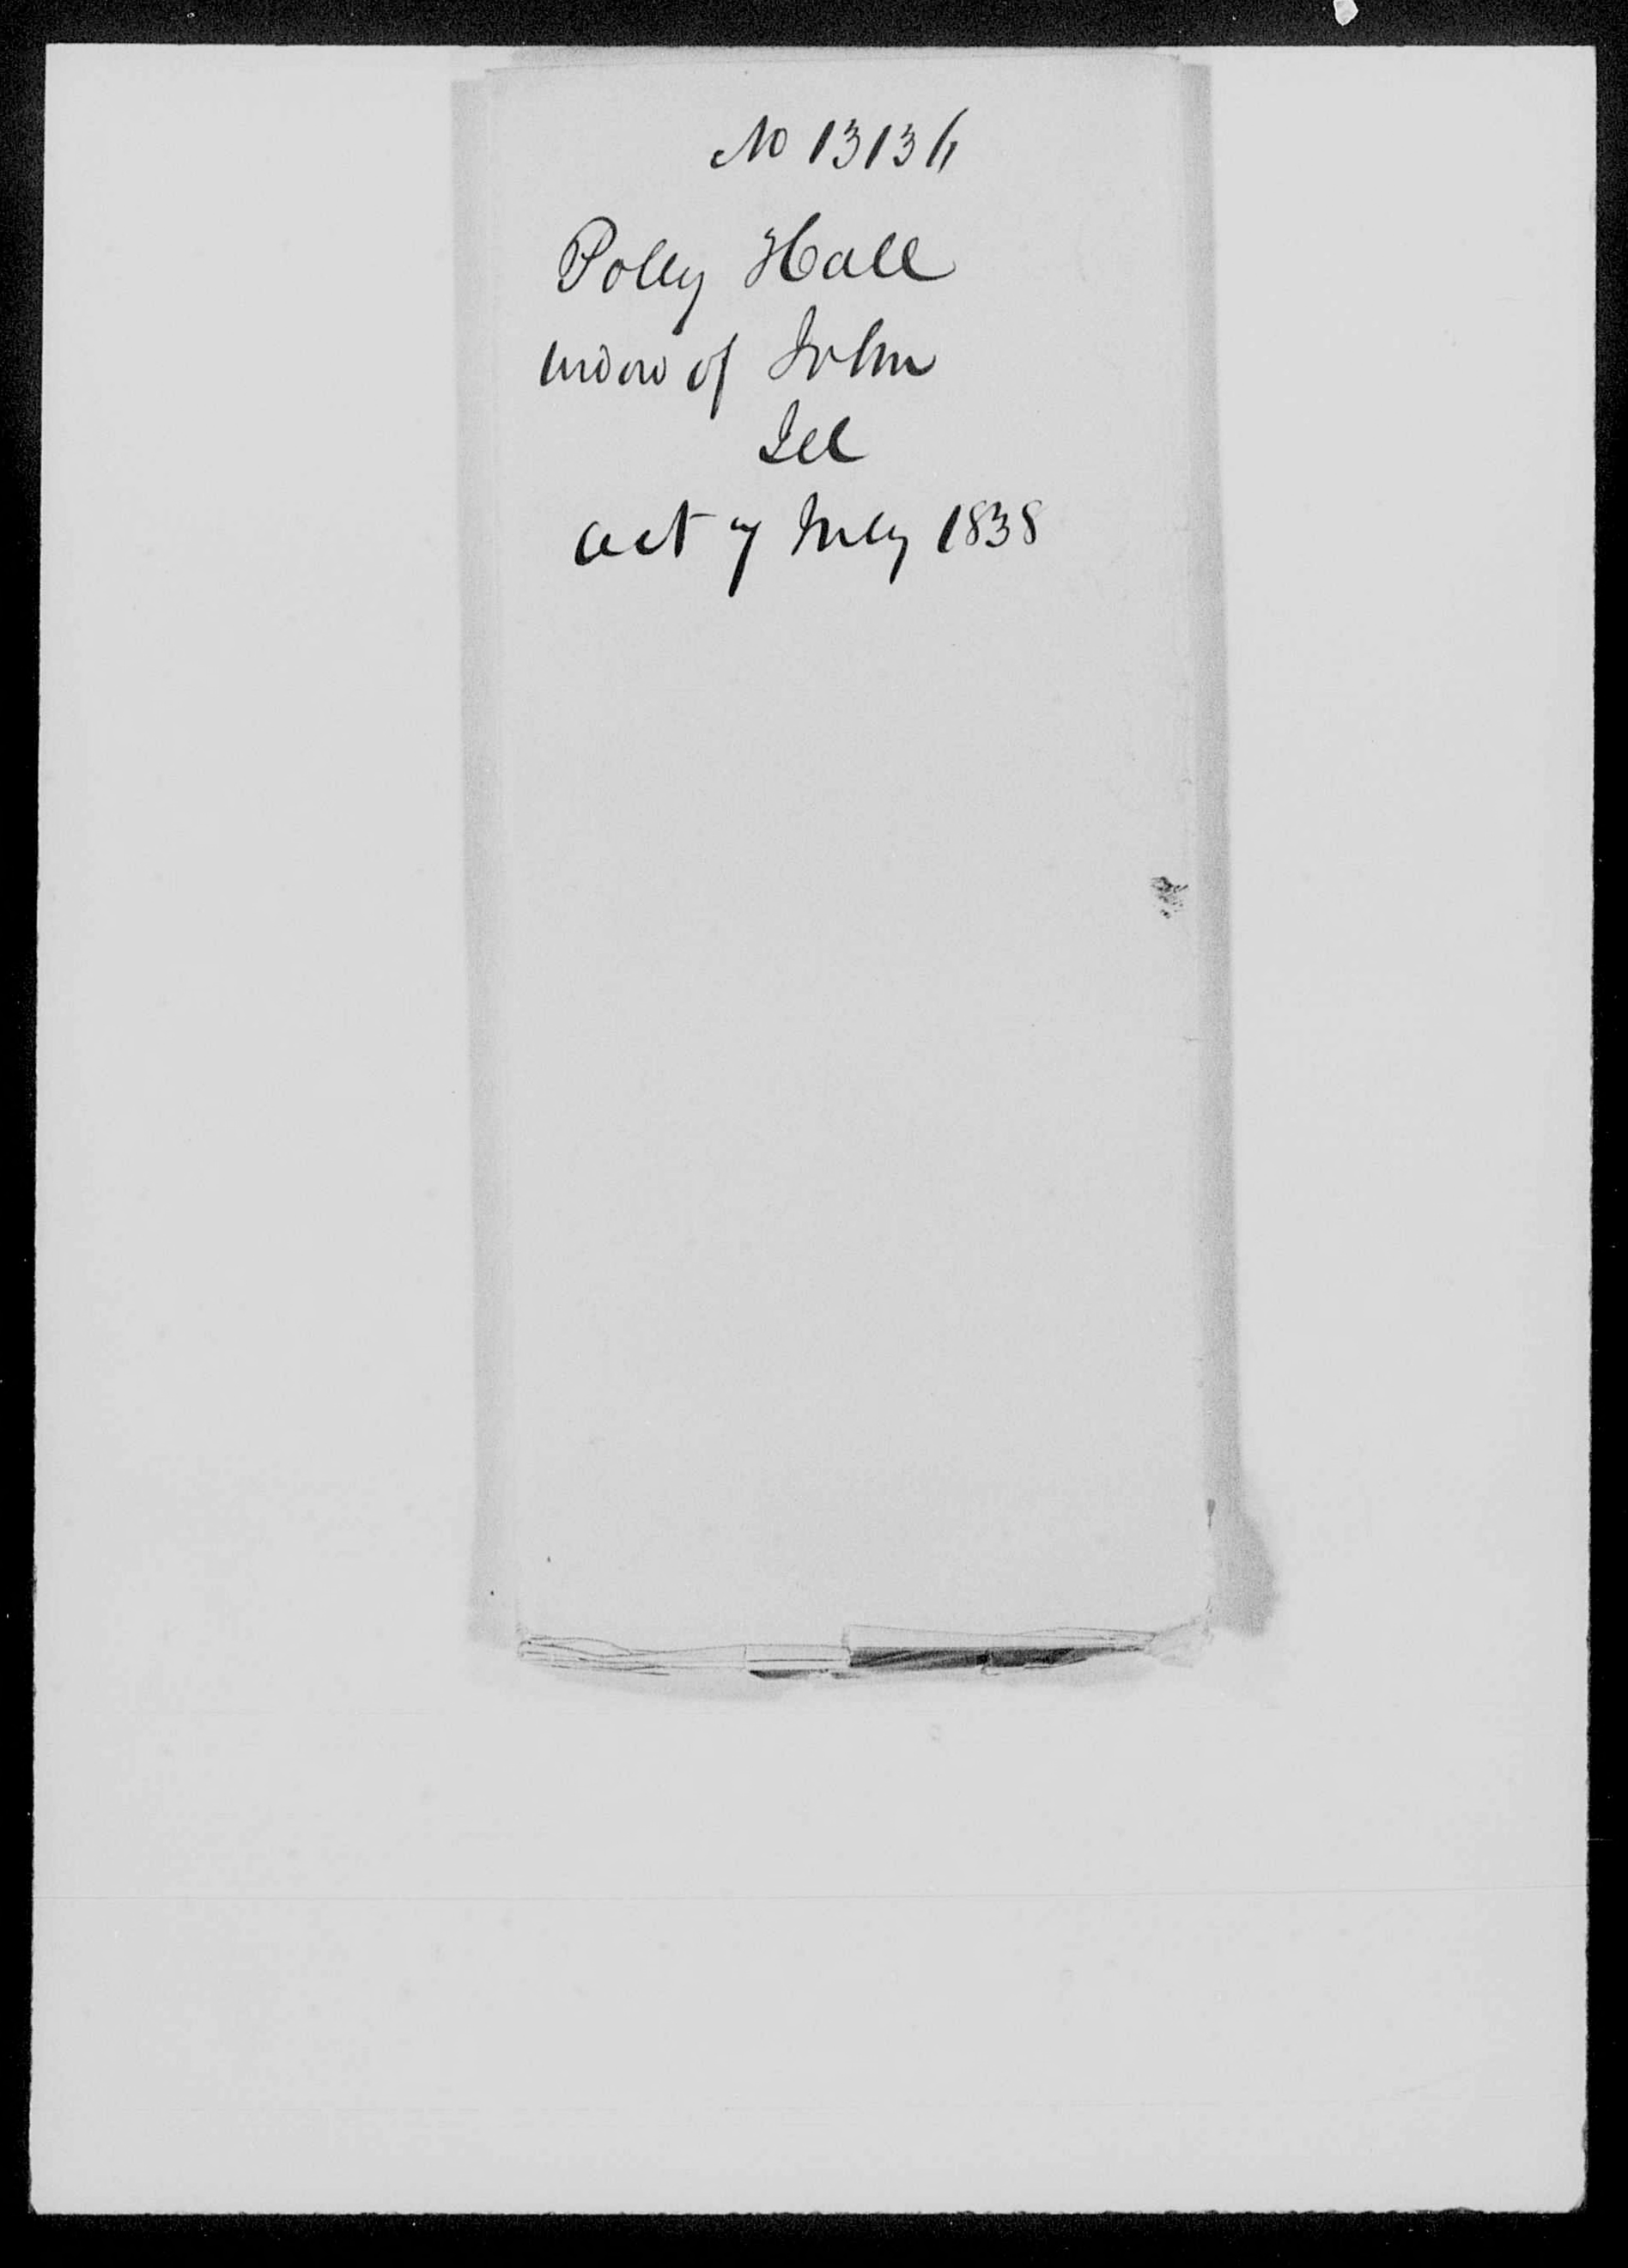No 13136

Polly Hall
widow of John 
Ill
Act 7 July 1838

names: Polly Hall, John Hall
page: 28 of 61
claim: widow's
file: W. 23,236, John Hall, N.C.